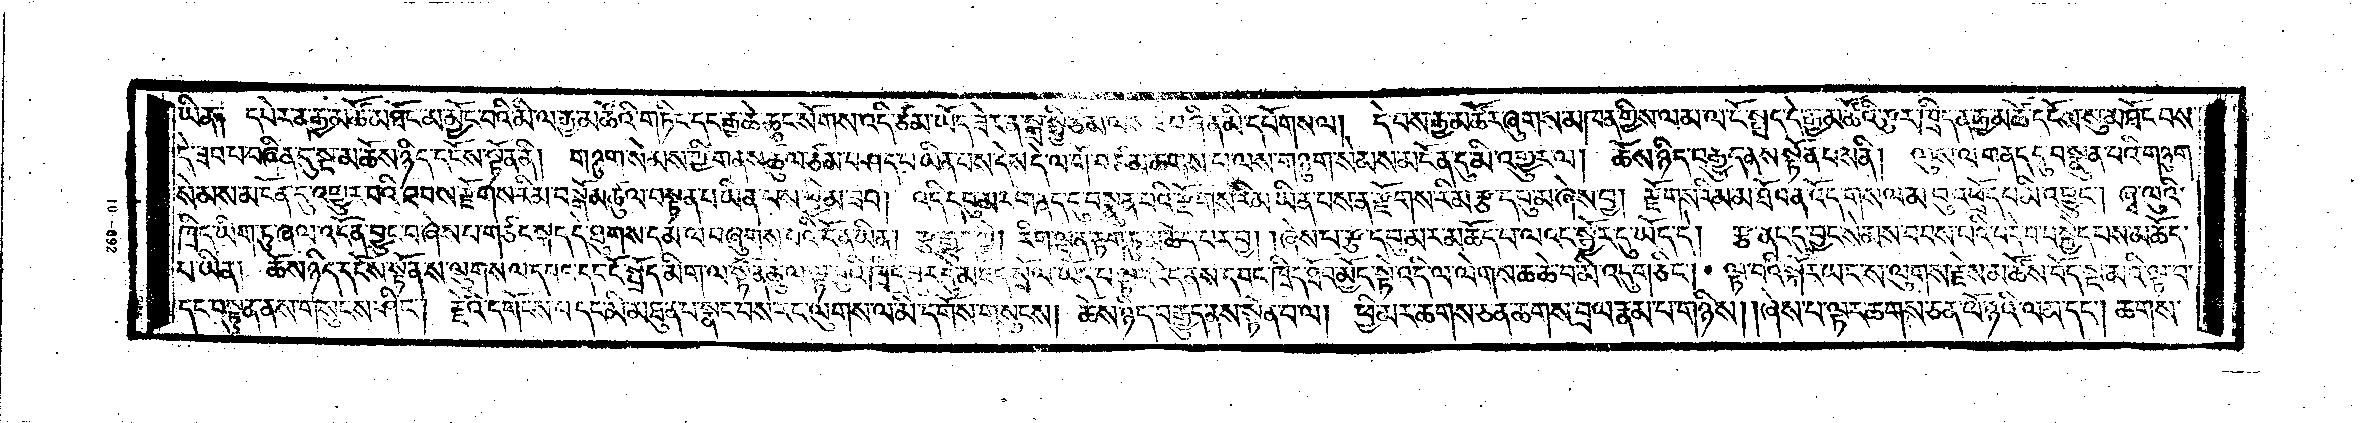ཡིན༑ དཔེར་ན་རྒྱ་མཚོ་མཐོང་མ་མྱོང་བའི་མི་ལ་རྒྱ་མཚོའི་གཏིང་དང་རྒྱ་ཆེ་ཆུང་སོགས་འདི་ཙམ་ཡོད་ཟེར་ན་སྒྲ་སྤྱི་ཙམ་ལས་ཇི་བཞིན་མི་དཔོགས་ལ། དེ་བས་རྒྱ་མཚོར་ཞུགས་མཁན་གྱིས་ལམ་ལ་ངོ་སྤྲོད་དེ་རྒྱ་མཚོའི་རྩར་ཁྲིད་ན་རྒྱ་མཚོ་དངོས་སུ་མཐོང་བས་
དེ་ཟབ་པ་བཞིན་དུ་སྔ་མ་ཆོས་ཉིད་དངོས་སྟོན་ནི། གཉུག་སེམས་ཀྱི་གནས་ཚུལ་ཙམ་བཤད་པ་ཡིན་པས་དེས་དེ་ལ་གོ་བ་ཙམ་ཆགས་པ་ལས་གཉུག་སེམས་མངོན་དུ་མི་འགྱུར་ལ། ཆོས་ཉིད་བརྒྱུད་ནས་སྟོན་པས་ནི། ལུས་ལ་གནད་དུ་བསྣུན་པའི་གཉུག་
སེམས་མངོན་དུ་འགྱུར་བའི་ཐབས་རྫོགས་རིམ་བསྒོམ་ཚུལ་བསྟན་པ་ཡིན་པས་ཕྱི་མ་ཟབ། འདི་དབུ་མར་གནད་དུ་བསྣུན་པའི་རྫོགས་རིམ་ཡིན་པས་ན་རྫོགས་རིམ་རྩ་དབུ་མ་ཞེས་བྱ། རྫོགས་རིམ་མ་ཐོབ་ན་འོད་གསལ་མ་བུ་འཕྲོད་པ་མི་འབྱུང་། ཞྭ་ལུའི་
ཁྲིད་ཡིག་ཏུ་ཞལ་འདོན་བྱུང་བ་ཞེས་པ་གཙང་སྐད་དེ་ཐུགས་དམ་ལ་བཞུགས་པའི་དོན་ཡིན། རྩ་རྒྱུད་ཀྱི། རིག་ལྡན་རྟག་ཏུ་མཆོད་པར་བྱ། །ཞེས་པ་རྩ་དབུ་མར་མཆོད་པ་ལའང་སྦྱོར་དུ་ཡོད་དེ། རྩ་ནང་དུ་བྱང་སེམས་བབས་པའི་བདེ་བ་བསྐྱེད་པས་མཆོད་
པ་ཡིན། ཆོས་ཉིད་དངོས་སྟོན་ས་ལུགས་ལ་དབང་དང་ངོ་སྤྲོད་མིག་ལ་སྟོན་ཚུལ་ལྟ་བུའི་ཁྲིད་ཟུར་དུ་མཛད་སྲོལ་ཡོད་པ་ལྟར་ངེད་ནས་དབང་ཁྲིད་ཐོབ་མྱོང་སྟེ་འདི་ལ་ལེགས་ཆ་ཆེ་བ་མི་འདུག་ཅིང་། ལྟ་བའི་སྐོར་ཡང་ས་ལུགས་རྗེས་མ་ཚོས་བོད་སྔ་མའི་ལྟ་བ་
དང་བསྟུན་ནས་གསུངས་ཤིང་། རྗེའི་དགོངས་པ་དང་མི་མཐུན་པ་སྣང་བས་རང་ལུགས་ལ་མི་དགོས་གསུངས། ཆོས་ཉིད་བརྒྱུད་ནས་སྟོན་པ་ལ། ཕྱི་མར་ཆགས་ཅན་ཆགས་བྲལ་རྣམ་པ་གཉིས། །ཞེས་པ་ལྟར་ཆགས་ཅན་ཕོ་ཉའི་ལམ་དང་། ཆགས་